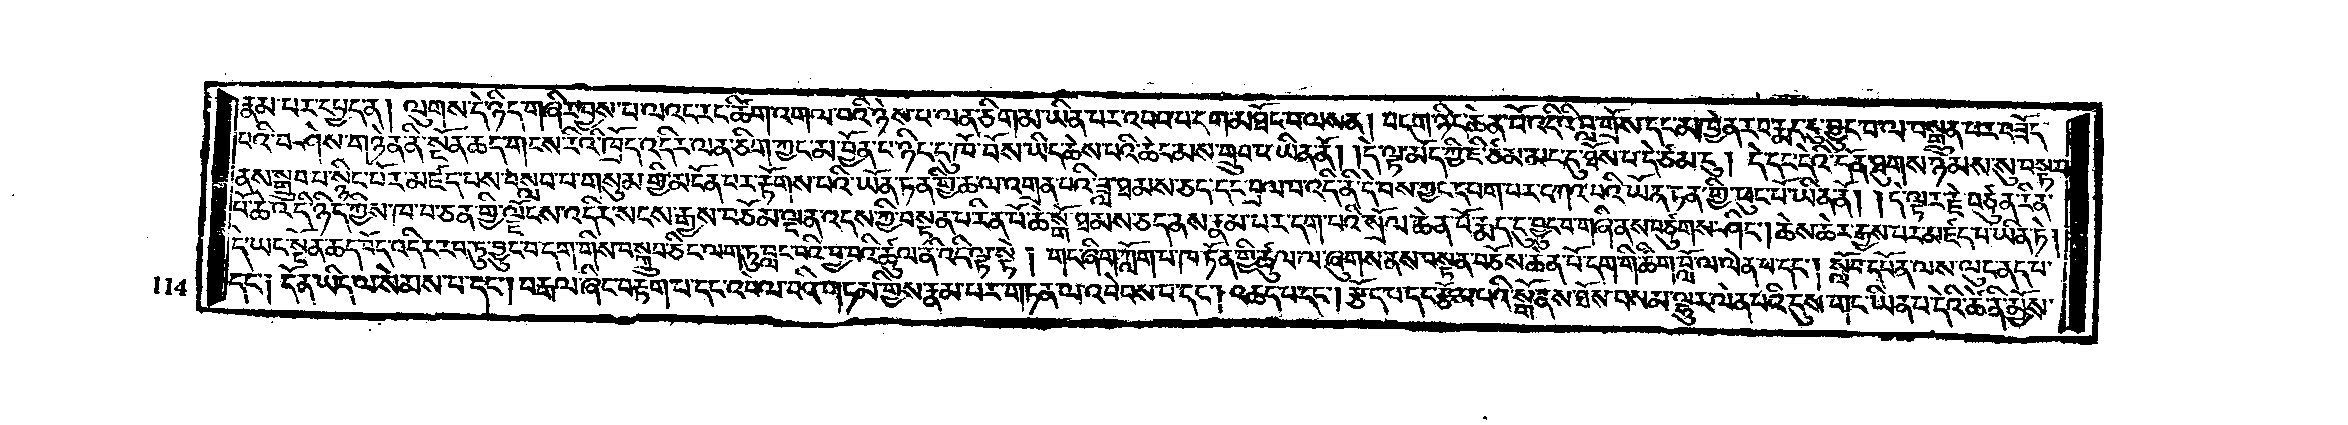རྣམ་པར་དཔྱད་ན། ལུགས་དེ་ཉིད་གཞིར་བྱས་པ་ལའང་རང་ཚིག་འགལ་བའི་ཉེས་པ་ལན་ཅིག་མ་ཡིན་པར་འབབ་པ་དག་མཐོང་བ་ལས་ན། བདག་ཉིད་ཆེན་པོ་འདིའི་བླ་གྲོས་དང་མཁྱེན་རབ་རྨད་དུ་བྱུང་བ་ལ་བསྒྲུན་པར་བཟོད་
པའི་བཤེས་གཉེན་ནི་སྔོན་ཆད་གངས་རིའི་ཁྲོད་འདིར་ལན་ཅིག་ཀྱང་མ་བྱོན་པ་ཉིད་དུ་ཁོ་བོས་ཡིད་ཆེས་པའི་ཆེད་མས་གྲུབ་པ་ཡིན་ནོ། །དེ་ལྟ་མོད་ཀྱི་ཇི་ཙམ་མང་དུ་ཐོས་པ་དེ་ཙམ་དུ། དེ་དང་དེའི་དོན་ཐུགས་ཉམས་སུ་བསྟར་
ནས་སྒྲུབ་པ་སྙིང་པོར་མཛད་པས་བསླབ་པ་གསུམ་གྱི་མངོན་པར་རྟོགས་པའི་ཡོན་ཏན་གྱི་ཆ་ལ་འགྲན་པའི་ཟླ་ཐམས་ཅད་དང་བྲལ་བ་འདི་ནི་དེ་བས་ཀྱང་དཔག་པར་དཀའ་བའི་ཡོན་ཏན་གྱི་ཕུང་པོ་ཡིན་ནོ། །དེ་ལྟར་རྗེ་བཙུན་རིན་
པོ་ཆེ་འདི་ཉིད་ཀྱིས་ཁ་བ་ཅན་གྱི་ལྗོངས་འདིར་སངས་རྒྱས་བཅོམ་ལྡན་འདས་ཀྱི་བསྟན་པ་རིན་པོ་ཆེ་སྒོ་ཐམས་ཅད་ནས་རྣམ་པར་དག་པའི་སྲོལ་ཆེན་པོ་རྨད་དུ་བྱུང་བ་གཞི་ནས་བཙུགས་ཤིང་། ཆེས་ཆེར་རྒྱས་པར་མཛད་པ་ཡིན་ཏེ།
དེ་ཡང་སྔོན་ཆད་བོད་འདིར་རབ་ཏུ་བྱུང་བ་དག་གིས་བསྒྲུབ་ཅིང་ལག་ཏུ་བླང་བའི་བྱ་བའི་ཚུལ་ནི་འདི་ལྟ་སྟེ། གང་ཞིག་ཀློག་པ་ཁ་ཏོན་གྱི་ཚུལ་ལ་ཞུགས་ནས་བསྟན་བཅོས་ཆེན་པོ་དག་གི་ཚིག་བློ་ལ་ལེན་པ་དང་། སློབ་དཔོན་ལས་ལུང་ནད་པ་
དང་། དོན་ཡིད་ལ་སེམས་པ་དང་། བརྒལ་ཞིང་བརྟག་པ་དང་འབེལ་བའི་གཏམ་གྱིས་རྣམ་པར་གཏན་ལ་འབེབས་པ་དང་། འཆད་པ་དང་། རྩོད་པ་དང་རྩོམ་པའི་སྒོ་ནས་ཐོས་བསམ་ལྷུར་ལེན་པའི་དུས་གང་ཡིན་པ་དེའི་ཚེ་ནི་མྱོས་